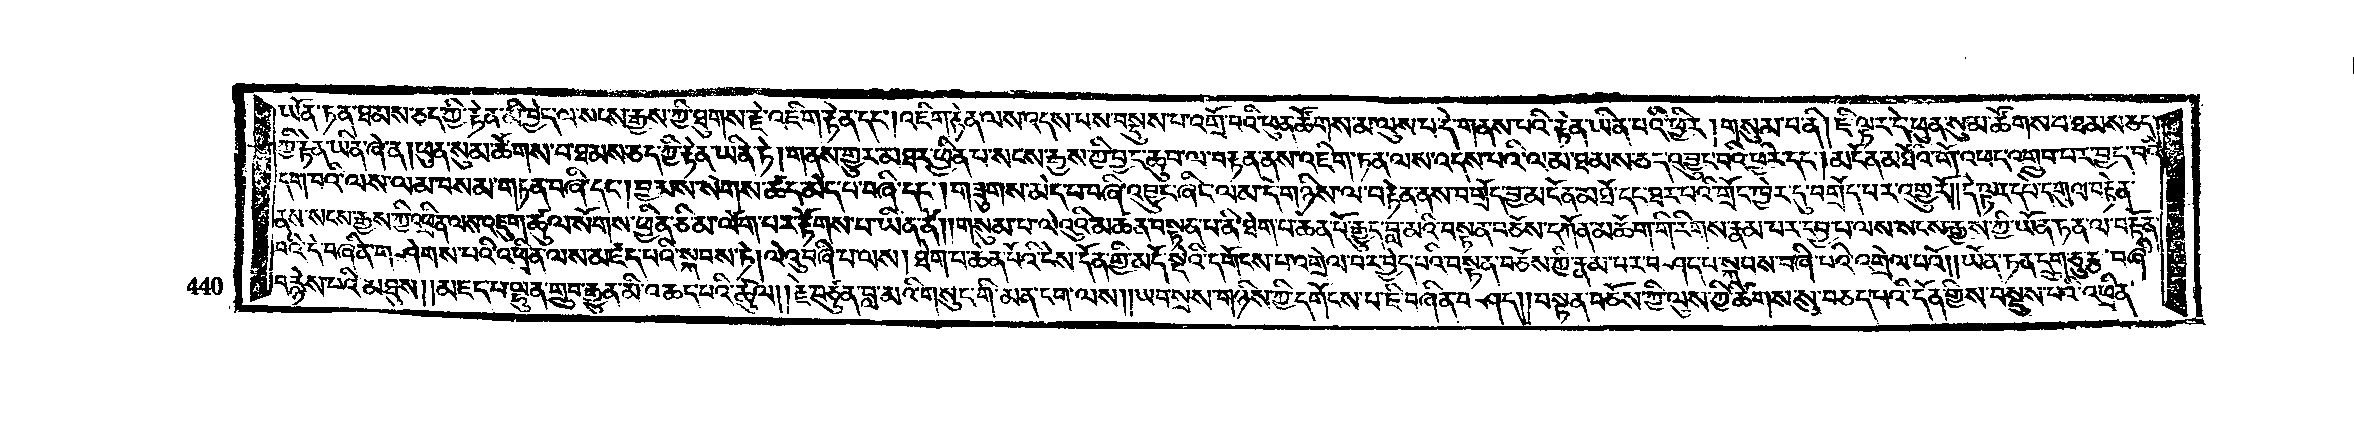ཡོན་ཏན་ཐམས་ཅད་ཀྱི་རྟེན་མི་བྱེད་ལ་སངས་རྒྱས་ཀྱི་ཐུགས་རྗེ་འཇིག་རྟེན་དང་། འཇིག་རྟེན་ལས་འདས་པས་བསྡུས་པ་འགྲོ་བའི་ཕུན་ཚོགས་མ་ལུས་པ་དེ་གནས་པའི་རྟེན་ཡིན་པའི་ཕྱིར། གསུམ་པ་ནི། ཇི་ལྟར་དེ་ཕུན་སུམ་ཚོགས་པ་ཐམས་ཅད་
ཀྱི་རྟེན་ཡིན་ཞེ་ན། ཕུན་སུམ་ཚོགས་པ་ཐམས་ཅད་ཀྱི་རྟེན་ཡིན་ཏེ། གནས་གྱུར་མཐར་ཕྱིན་པ་སངས་རྒྱས་ཀྱི་བྱང་ཆུབ་ལ་བརྟན་ནས་འཇིག་རྟན་ལས་འདས་པའི་ལམ་ཐམས་ཅད་འབྱུང་བའི་ཕྱིར་དང་། མངོན་མཐོའི་གོ་འཕད་འགྲུབ་པར་བྱད་པའི་
དག་པའི་ལས་ལམ་བསམ་གཏན་བཞི་དང་། བྱམས་སོགས་ཚད་མེད་པ་བཞི་དང་། གཟུགས་མེད་པ་བཞི་འབྱུང་ཞིང་ལམ་དེ་གཉིས་ལ་བརྟེན་བརྟེན་ནས་བགྲོད་བྱ་མངོན་མཐོ་དང་ཐར་པའི་གྲོང་ཁྱེར་དུ་བགྲོད་པར་འགྱུར་རོ། །དེ་ལྟར་དཔེ་དགུལ་བརྟེན་
ནས་སངས་རྒྱས་ཀྱི་འཕྲིན་ལས་འཇུག་ཚུལ་སོགས་ཕྱིན་ཅི་མ་ལོག་པར་རྟོགས་པ་ཡིན་ནོ། །གསུམ་པ་ལེའུའི་མཚན་བསྟན་པ་ནི་ཐེག་པ་ཆེན་པོ་རྒྱུད་བླ་མའི་བསྟན་བཅོས་དཀོན་མཆོག་གི་རིགས་རྣམ་པར་དབྱེ་པ་ལས་སངས་རྒྱས་ཀྱི་ཡོན་ཏན་ལ་བརྟོན་
པའི་དེ་བཞིན་གཤེགས་པའི་ཕྲིན་ལས་མཛད་པའི་སྐབས་ཏེ། ལེའུ་བཞིན་པ་ལས། ཐེག་པ་ཆེན་པོའི་ངེས་དོན་གྱི་མདོ་སྡེའི་དགོངས་པ་འགྲེལ་བར་བྱེད་པའི་བསྟན་བཅོས་ཀྱི་རྣམ་པར་བཤད་པ་སྐབས་བཞི་པའི་འགྲེལ་པའོ། །ཡོ་ཏན་དྲུག་ཅུ་རྩ་བཞི་
བརྙེས་པའི་མཐུས། །མཛད་པ་ལྷུན་གྲུབ་རྒྱུན་མི་འཆད་པའི་ཚུལ། །རྗེ་བཙུན་བླ་མའི་གསུང་གི་མན་ངག་ལས། །ཡབ་སྲས་གཉིས་ཀྱི་དགོངས་པ་ཇི་བཞིན་བཤད། །བསྟན་བཅོས་ཀྱི་ལུས་ཀྱི་ཚིགས་སུ་བཅད་པའི་དོན་གྱིས་བསྡུས་པའི་ཕྲིན་